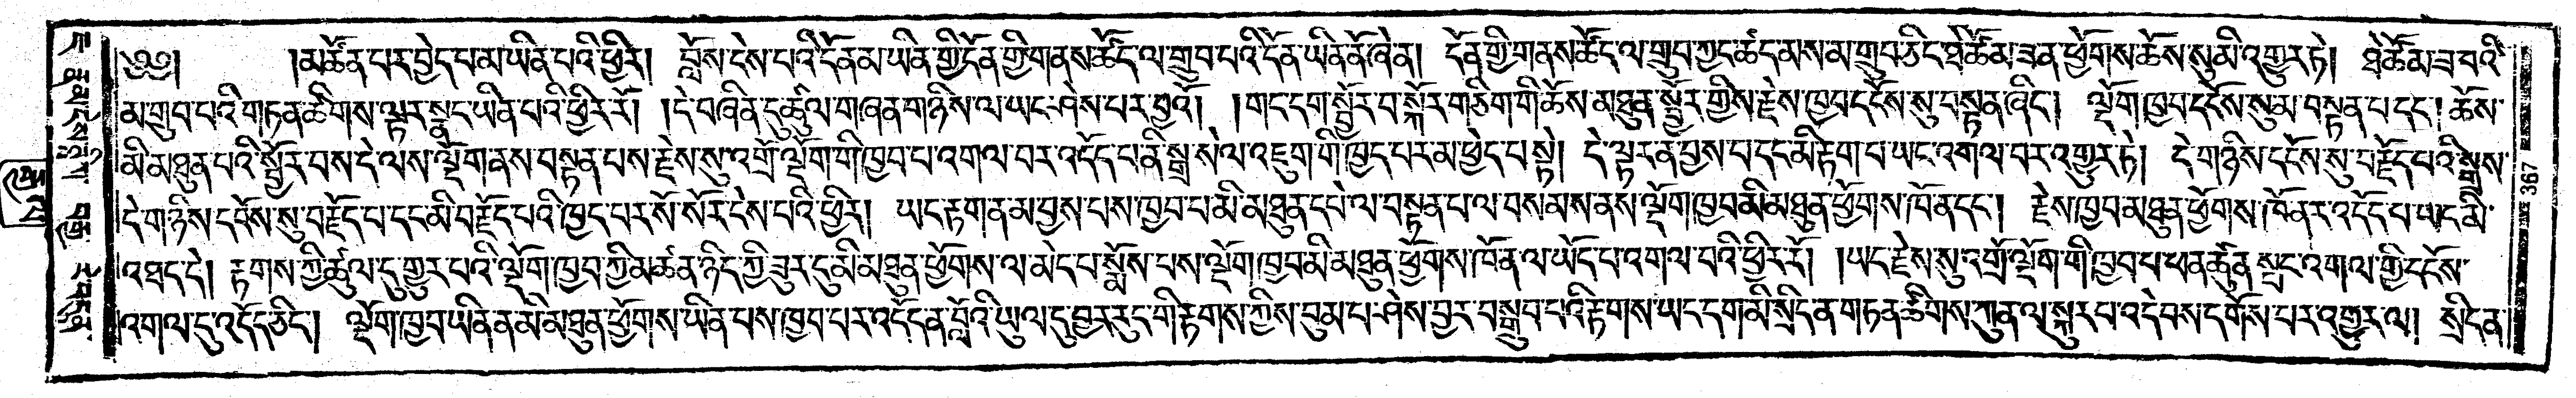༄༅། །མཚོན་པར་བྱེད་པ་མ་ཡིན་པའི་ཕྱིར། བློས་ངེས་པའི་དོན་མ་ཡིན་གྱི་དོན་གྱི་གནས་ཚོད་ལ་གྲུབ་པའི་དོན་ཡིན་ནོ་ཞེ་ན། དོན་གྱི་གནས་ཚོད་ལ་གྲུབ་ཀྱང་ཚད་མས་མ་གྲུབ་ཅིང་ཐེ་ཚོམ་ཟ་ན་ཕྱོགས་ཆོས་སུ་མི་འགྱུར་ཏེ། ཐེ་ཚོམ་ཟ་བའི་
མ་གྲུབ་པའི་གཏན་ཚིགས་ལྟར་སྣང་ཡིན་པའི་ཕྱིར་རོ། །དེ་བཞིན་དུ་ཚུལ་གཞན་གཉིས་ལ་ཡང་ཤེས་པར་བྱའོ། །གང་དག་སྦྱོར་བ་སྐོར་གཅིག་གི་ཆོས་མཐུན་སྦྱོར་གྱིས་རྗེས་ཁྱབ་དངོས་སུ་བསྟན་ཞིང་། ལྡོག་ཁྱབ་དངོས་སུ་མ་བསྟན་པ་དང་། ཆོས་
མི་མཐུན་པའི་སྦྱོར་བས་དེ་ལས་ལྡོག་ནས་བསྟན་པས་རྗེས་སུ་འགྲོ་ལྡོག་གི་ཁྱབ་པ་འགལ་བར་འདོད་པ་ནི་སྒྲ་སེལ་འཇུག་གི་ཁྱད་པར་མ་ཕྱེད་པ་སྟེ། དེ་ལྟར་ན་བྱས་པ་དང་མི་རྟག་པ་ཡང་འགལ་བར་འགྱུར་ཏེ། དེ་གཉིས་དངོས་སུ་བརྗོད་པའི་སྒྲས་
དེ་གཉིས་དངོས་སུ་བརྗོད་པ་དང་མི་བརྗོད་པའི་ཁྱད་པར་སོ་སོར་ངེས་པའི་ཕྱིར། ཡང་རྟག་ན་མ་བྱས་པས་ཁྱབ་པ་མི་མཐུན་དཔེ་ལ་བསྟན་པ་ལ་བསམས་ནས་ལྡོག་ཁྱབ་མི་མཐུན་ཕྱོགས་ཁོ་ན་དང་། རྗེས་ཁྱབ་མཐུན་ཕྱོགས་ཁོ་ནར་འདོད་པ་ཡང་མི་
འཐད་དེ། རྟགས་ཀྱི་ཚུལ་དུ་གྱུར་པའི་ལྡོག་ཁྱབ་ཀྱི་མཚན་ཉིད་ཀྱི་ཟུར་དུ་མི་མཐུན་ཕྱོགས་ལ་མེད་པ་སྨོས་པས་ལྡོག་ཁྱབ་མི་མཐུན་ཕྱོགས་ཁོ་ན་ལ་ཡོད་པ་འགལ་བའི་ཕྱིར་རོ། །ཡང་རྗེས་སུ་འགྲོ་ལྡོག་གི་ཁྱབ་པ་ཕན་ཚུན་སྤང་འགལ་གྱི་དངོས་
འགལ་དུ་འདོད་ཅིང་། ལྡོག་ཁྱབ་ཡིན་ན་མི་མཐུན་ཕྱོགས་ཡིན་པས་ཁྱབ་པར་འདོད་ན་བློའི་ཡུལ་དུ་བྱར་རུང་གི་རྟགས་ཀྱིས་བུམ་པ་ཤེས་བྱར་བསྒྲུབ་པའི་རྟགས་ཡང་དག་མི་སྲིད་ན་གཏན་ཚིགས་ཀུན་ལ་སྐུར་པ་འདེབས་དགོས་པར་འགྱུར་ལ། སྲིད་ན་